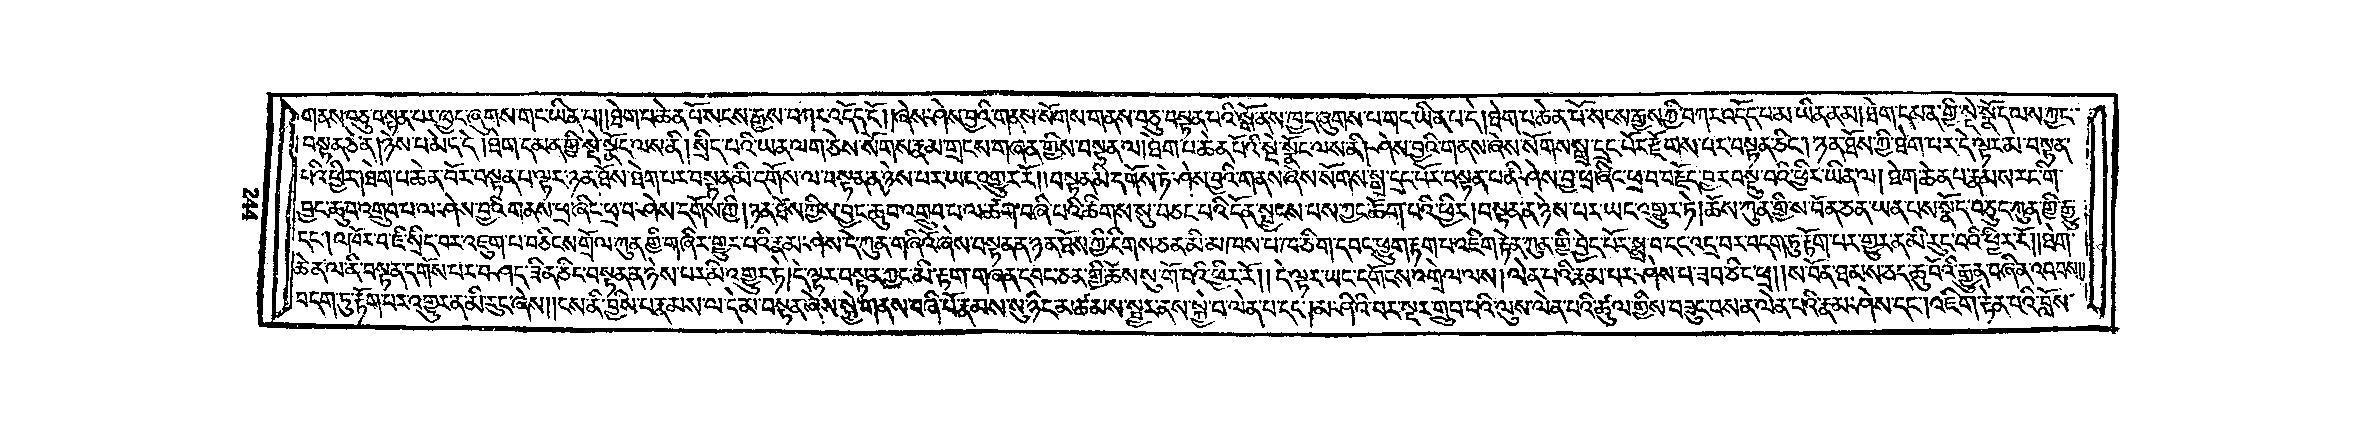གནས་བཅུ་བསྟན་པར་ཁྱད་ཞུགས་གང་ཡིན་པ། །ཐེག་པ་ཆེན་པོ་སངས་རྒྱས་བཀར་འདོད་དོ། །ཞེས་ཤེས་བྱའི་གནས་སོགས་གནས་བཅུ་བསྟན་པའི་སྒོ་ནས་ཁྱད་ཞུགས་པ་གང་ཡིན་པ་དེ། ཐེག་པ་ཆེན་པོ་སངས་རྒྱས་ཀྱི་བཀར་འདོད་པ་མ་ཡིན་ནམ། ཐེག་དམན་གྱི་སྡེ་སྣོད་ལས་ཀྱང་
བསྟན་ཅེ་ན། ཉེས་པ་མེད་དེ། ཐེག་དམན་གྱི་སྡེ་སྣོད་ལས་ནི། སྲིད་པའི་ཡན་ལག་ཅེས་སོགས་རྣམ་གྲངས་གཞན་གྱིས་བསྟན་ལ། ཐེག་པ་ཆེན་པོའི་སྡེ་སྣོད་ལས་ནི། ཤེས་བྱའི་གནས་ཞེས་སོགས་སྒྲ་དྲང་པོར་རྫོགས་པར་བསྟན་ཅིང་། ཉན་ཐོས་ཀྱི་ཐེག་པར་དེ་ལྟར་མ་བསྟན་
པའི་ཕྱིར། ཐེག་པ་ཆེན་པོར་བསྟན་པ་ལྟར་ཉན་ཐོས་ཐེག་པར་བསྟན་མི་དགོས་ལ་བསྟན་ན་ཉེས་པར་ཡང་འགྱུར་རོ། །བསྟན་མི་དགོས་ཏེ་ཤེས་བྱའི་གནས་ཞེས་སོགས་སྒྲ་དྲང་པོར་བསྟན་པ་ནི་ཤེས་བྱ་ཕྲ་ཞིང་ཕྲ་བ་བརྗོད་བྱར་བསྡུ་བའི་ཕྱིར་ཡིན་ལ། ཐེག་ཆེན་པ་རྣམས་རང་གི་
བྱང་ཆུབ་འགྲུབ་པ་ལ་ཤེས་བྱའི་གནས་ཕྲ་ཞིང་ཕྲ་བ་ཤེས་དགོས་ཀྱི། ཉན་ཐོས་ཀྱིས་བྱང་ཆུབ་འགྲུབ་པ་ལ་ཚག་བཞི་པའི་ཚིགས་སུ་བཅང་པའི་དོན་སྤྱངས་པས་ཀྱང་ཆོག་པའི་ཕྱིར། བསྟན་ན་ཉེས་པར་ཡང་འགྱུར་ཏེ། ཆོས་ཀུན་གྱི་ས་བོན་ཅན་ཡན་པས་སྣོད་བཅུད་ཀུན་གྱི་རྒྱུ་
དང་། འཁོར་བ་ཇི་སྲིད་བར་འཇུག་པ་བཅིངས་གྲོལ་ཀུན་གྱི་གཞིར་གྱུར་པའི་རྣམ་ཤེས་དེ་ཀུན་གཞིའོ་ཞེས་བསྟན་ན་ཉན་ཐོས་ཀྱི་རིགས་ཅན་མི་མཁས་པ་ཁ་ཅིག་དབང་ཕྱུག་རྟག་པ་འཇིག་རྟེན་ཀུན་གྱི་བྱེད་པོར་སྨྲ་བ་དང་འདྲ་བར་བདག་ཏུ་རྟོག་པར་གྱུར་ན་མི་རུང་བའི་ཕྱིར་རོ། ཐེག་
ཆེན་ལ་ནི་བསྟན་དགོས་པར་བཤད་ཟིན་ཅིང་བསྟན་ན་ཉེས་པར་མི་འགྱུར་ཏེ། དེ་ལྟར་བསྟན་ཀྱང་མི་རྟག་གཞན་དབང་ཅན་གྱི་ཆོས་སུ་གོ་བའི་ཕྱིར་རོ། །དེ་ལྟར་ཡང་དགོངས་འགྲེལ་ལས། ལེན་པའི་རྣམ་པར་ཤེས་པ་ཟབ་ཅིང་ཕྲ། །ས་བོན་ཐམས་ཅད་ཆུ་བོའི་རྒྱུན་བཞིན་འབབས། །
བདག་ཏུ་རྟོག་པར་འགྱུར་ན་མི་རུང་ཞེས། །ངས་ནི་བྱིས་པ་རྣམས་ལ་དེ་མ་བསྟན་ཞེས་སྐྱེ་གནས་བཞི་པོ་རྣམས་སུ་ཉིད་མཚམས་སྦྱར་ནས་སྐྱེ་བ་ལེན་པ་དང་། མ་ཤིའི་བར་སྔར་གྲུབ་པའི་ལུས་ལེན་པའི་ཚུལ་གྱིས་བཟུང་བས་ན་ལེན་པའི་རྣམ་ཤེས་དང་། འཇིག་རྟེན་པའི་བློས་